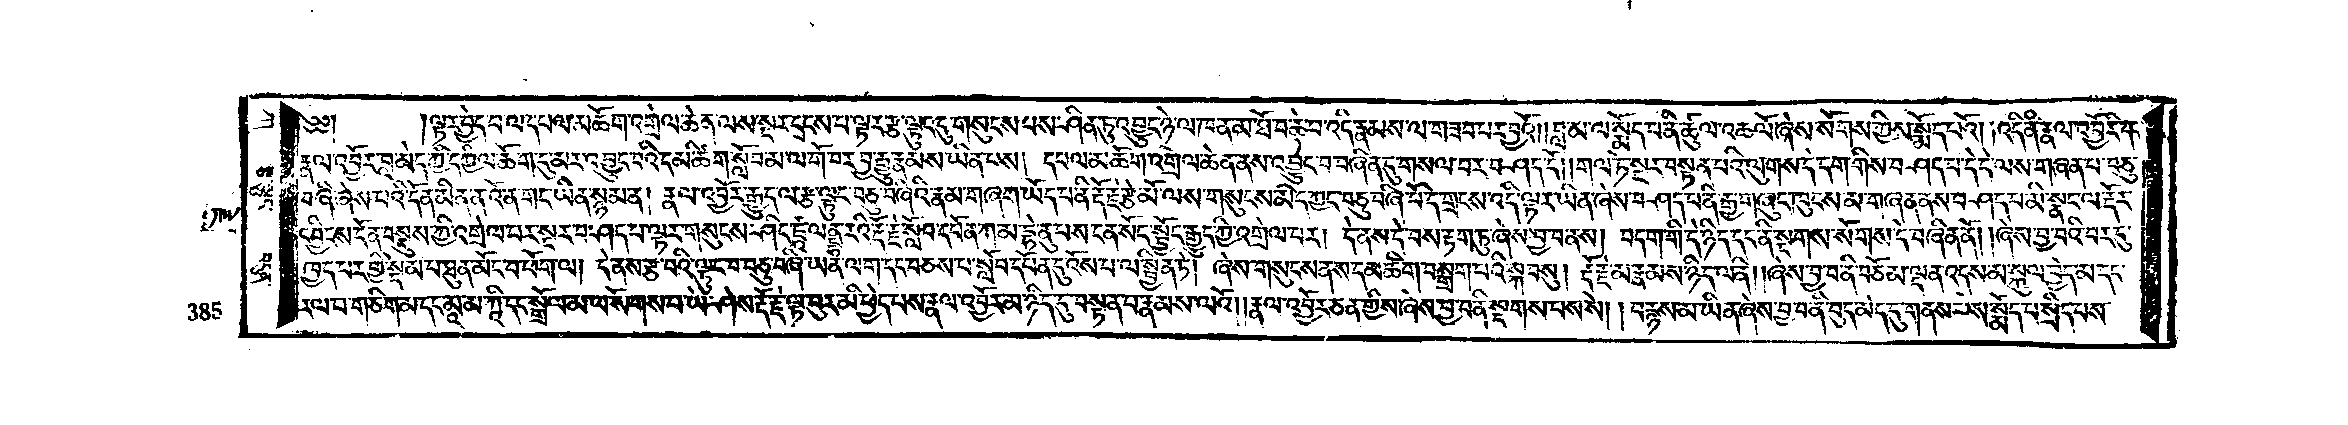༄༅། །ལྟར་བྱེད་པ་ལ་དཔལ་མཆོག་འགྲེལ་ཆེན་ལས་སྔར་དྲངས་པ་ལྟར་རྩ་ལྟུང་དུ་གསུངས་པས་ཤིན་ཏུ་འབྱུང་ཉེ་ལ་ཁ་ན་མ་ཐོ་བ་ཆེ་བ་འདི་རྣམས་ལ་གཟབ་པར་བྱའོ། །བླ་མ་ལ་སྨོད་པ་ནི་ཚུལ་འཆལ་ལོ་ཞེས་སོགས་ཀྱིས་སྨོད་པའོ། །འདི་ནི་རྣལ་འབྱོར་རི་དང་
རྣལ་འབྱོར་བླ་མེད་ཀྱི་དཀྱིལ་ཆོག་དུ་མར་འབྱུང་བའི་དམ་ཚིག་སློབ་མ་ལ་གོ་བར་བྱ་རྒྱུ་རྣམས་ཡིན་པས། དཔལ་མཆོག་འགྲེལ་ཆེན་ནས་འབྱུང་བ་བཞིན་དུ་གསལ་བར་བཤད་དོ། །གལ་ཏེ་སྔར་བསྟན་པའི་ལུགས་དེ་དག་གིས་བཤད་པ་དེ་དེ་ལས་གཞན་པ་བཅུ་
བཞི་ཞེས་པའི་དོན་མིན་ན་འོ་ན་གང་ཡིན་སྙམ་ན། རྣལ་འབྱོར་རྒྱུད་ལ་རྩ་ལྟུང་བཅུ་བཞིའི་རྣམ་གཞག་ཡོད་པ་ནི་རྡོ་རྗེ་རྩེ་མོ་ལས་གསུངས་མེད་ཀྱང་བཅུ་བཞི་པོ་དེ་གྲངས་འདི་ལྟར་ཡིན་ཞེས་བཤད་པ་ནི་རྒྱ་གཞུང་ཁུངས་མ་གཞན་ནས་བཤད་པ་མི་སྣང་ལ་རྡོར་
དབྱིངས་དོན་བསྡུས་ཀྱི་འགྲེལ་པར་སྔར་བཤད་པ་ལྟར་གསུངས་ཤིང་ཛཱ་ལནྡྷ་རའི་རྡོ་རྗེ་སློབ་དཔོན་ཀ་མ་དྷེ་ནུ་པས་ངན་སོང་སྦྱོང་རྒྱུད་ཀྱི་འགྲེལ་པར། དེ་ནས་དེ་བས་རྟག་ཏུ་ཞེས་བྱ་བ་ནས། བདག་གི་དེ་ཉིད་དང་ནི་སྔགས་སོགས་དེ་བཞིན་ནོ། །ཞེས་བྱ་བའི་བར་དུ་
ཁྱད་པར་གྱི་སྡེམ་པ་ཐུན་མོང་བ་ཕོག་ལ། དེ་ནས་རྩ་བའི་ལྟུང་བ་བཅུ་བཞི་ཡན་ལག་དང་བཅས་པ་སློབ་དཔོན་དུ་འོས་པ་ལ་སྦྱིན་ཏེ། ཞེས་གསུངས་ནས་དམ་ཚིག་བསྒྲག་པའི་སྐབས་སུ། རྡོ་རྗེ་མ་རྣམས་ཉིད་ལ་ནི། །ཞེས་བྱ་བ་ནི་བཅོམ་ལྡན་འདས་མ་སྐུལ་བྱེད་མ་དང་
རལ་བ་གཅིག་མ་དང་མཱ་མ་ཀཱི་དང་སྒྲོལ་མ་ལ་སོགས་པ་ཡེ་ཤེས་རྡོ་རྗེ་ལྟ་བུར་མི་ཕྱེད་པས་རྣལ་འབྱོར་མ་ཉིད་དུ་བསྟན་པ་རྣམས་ལའོ། །རྣལ་འབྱོར་ཅན་གྱིས་ཞེས་བྱ་བ་ནི་སྔགས་པས་སོ། །བརྙས་མ་ཡིན་ཞེས་བྱ་བ་ནི་བུད་མེད་དུ་གནས་པས་སྨོད་པ་སྲིད་པས་